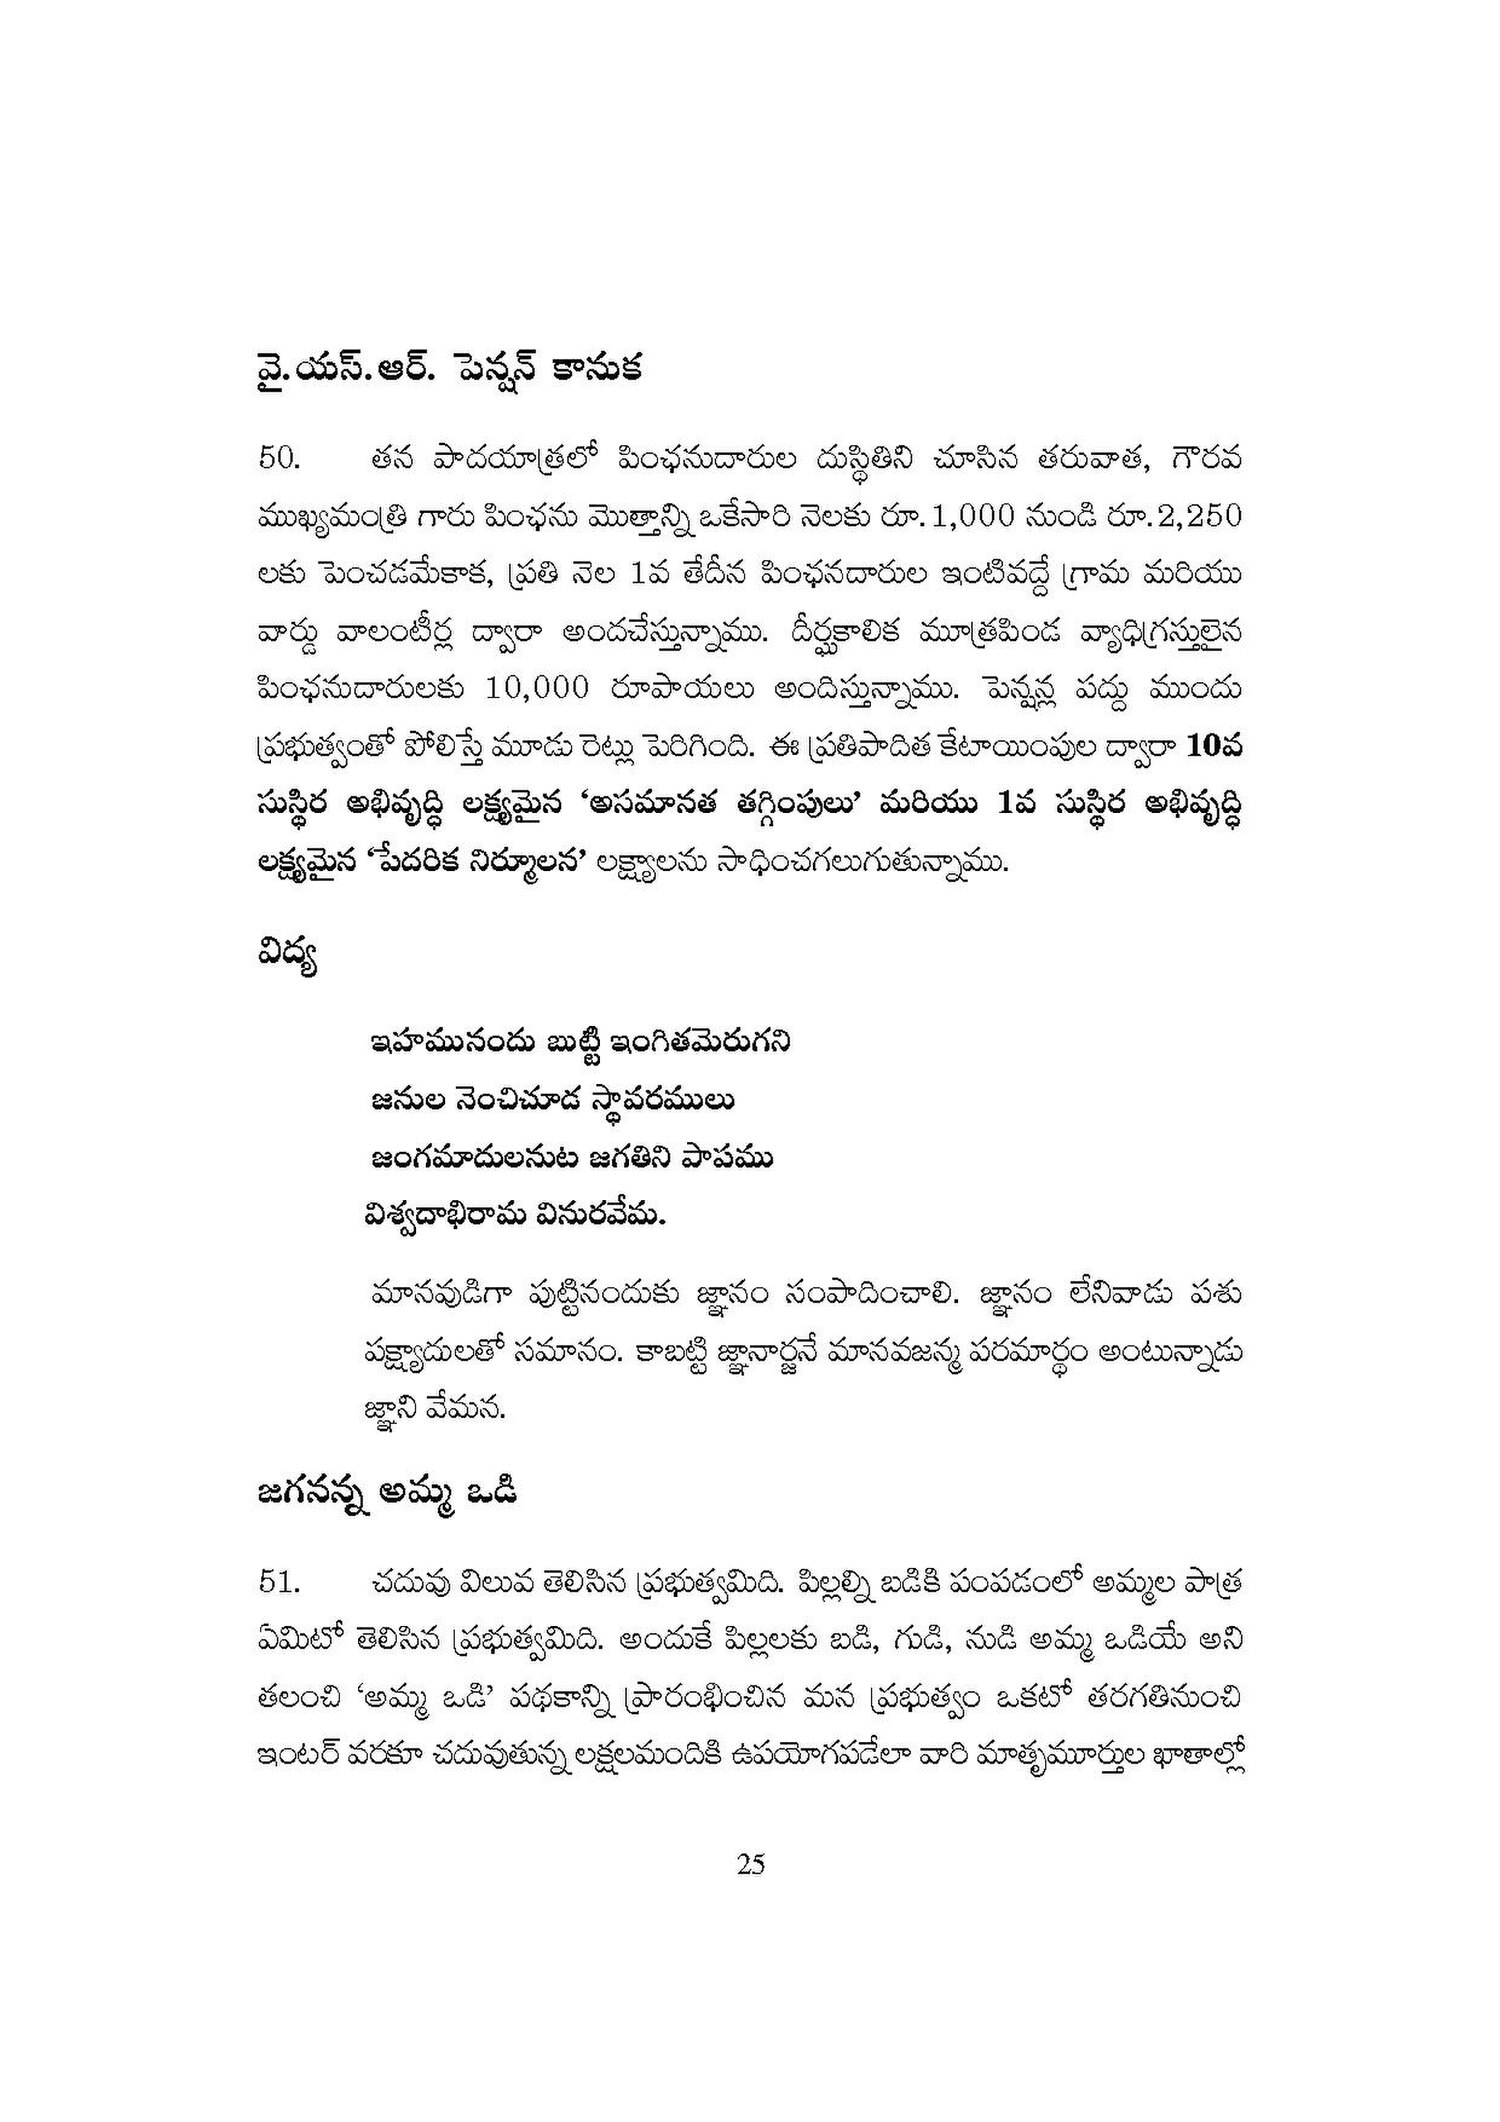వై.యస్. ఆర్. పెన్షన్ కానుక

50. తన పాదయాత్రలో పింఛనుదారుల దుస్థితిని చూసిన తరువాత, గౌరవ
ముఖ్యమంత్రి గారు పింఛను మొత్తాన్ని ఒకేసారి నెలకు రూ.1,000 నుండి రూ.2,250
లకు పెంచడమేకాక, ప్రతి నెల 1వ తేదీన పింఛనదారుల ఇంటివద్దే గ్రామ మరియు
వార్డు వాలంటీర్ల ద్వారా అందచేస్తున్నాము. దీర్ఘకాలిక మూత్రపిండ వ్యాధిగ్రస్తులైన
పింఛనుదారులకు 10,000 రూపాయలు అందిస్తున్నాము. పెన్షన్ల పద్దు ముందు
ప్రభుత్వంతో పోలిస్తే మూడు రెట్లు పెరిగింది. ఈ ప్రతిపాదిత కేటాయింపుల ద్వారా 10వ సుస్థిర అభివృద్ధి లక్ష్యమైన 'అసమానత తగ్గింపులు' మరియు 1వ సుస్థిర అభివృద్ధి లక్ష్యమైన 'పేదరిక నిర్మూలన' లక్ష్యాలను సాధించగలుగుతున్నాము.

విద్య

మానవుడిగా పుట్టినందుకు జ్ఞానం సంపాదించాలి. జ్ఞానం లేనివాడు పశు
పక్ష్యాదులతో సమానం.
కాబట్టి జ్ఞానార్జనే మానవజన్మ పరమార్థం అంటున్నాడు
జ్ఞాని వేమన. 

జగనన్న అమ్మ ఒడి

51. చదువు విలువ తెలిసిన ప్రభుత్వమిది. పిల్లల్ని బడికి పంపడంలో అమ్మల పాత్ర
ఏమిటో తెలిసిన ప్రభుత్వమిది. అందుకే పిల్లలకు బడి, గుడి, నుడి అమ్మ ఒడియే అని
తలంచి 'అమ్మ ఒడి' పథకాన్ని ప్రారంభించిన మన ప్రభుత్వం ఒకటో తరగతి నుంచి
ఇంటర్ వరకూ చదువుతున్న లక్షలమందికి ఉపయోగపడేలా వారి మాతృమూర్తుల ఖాతాల్లో